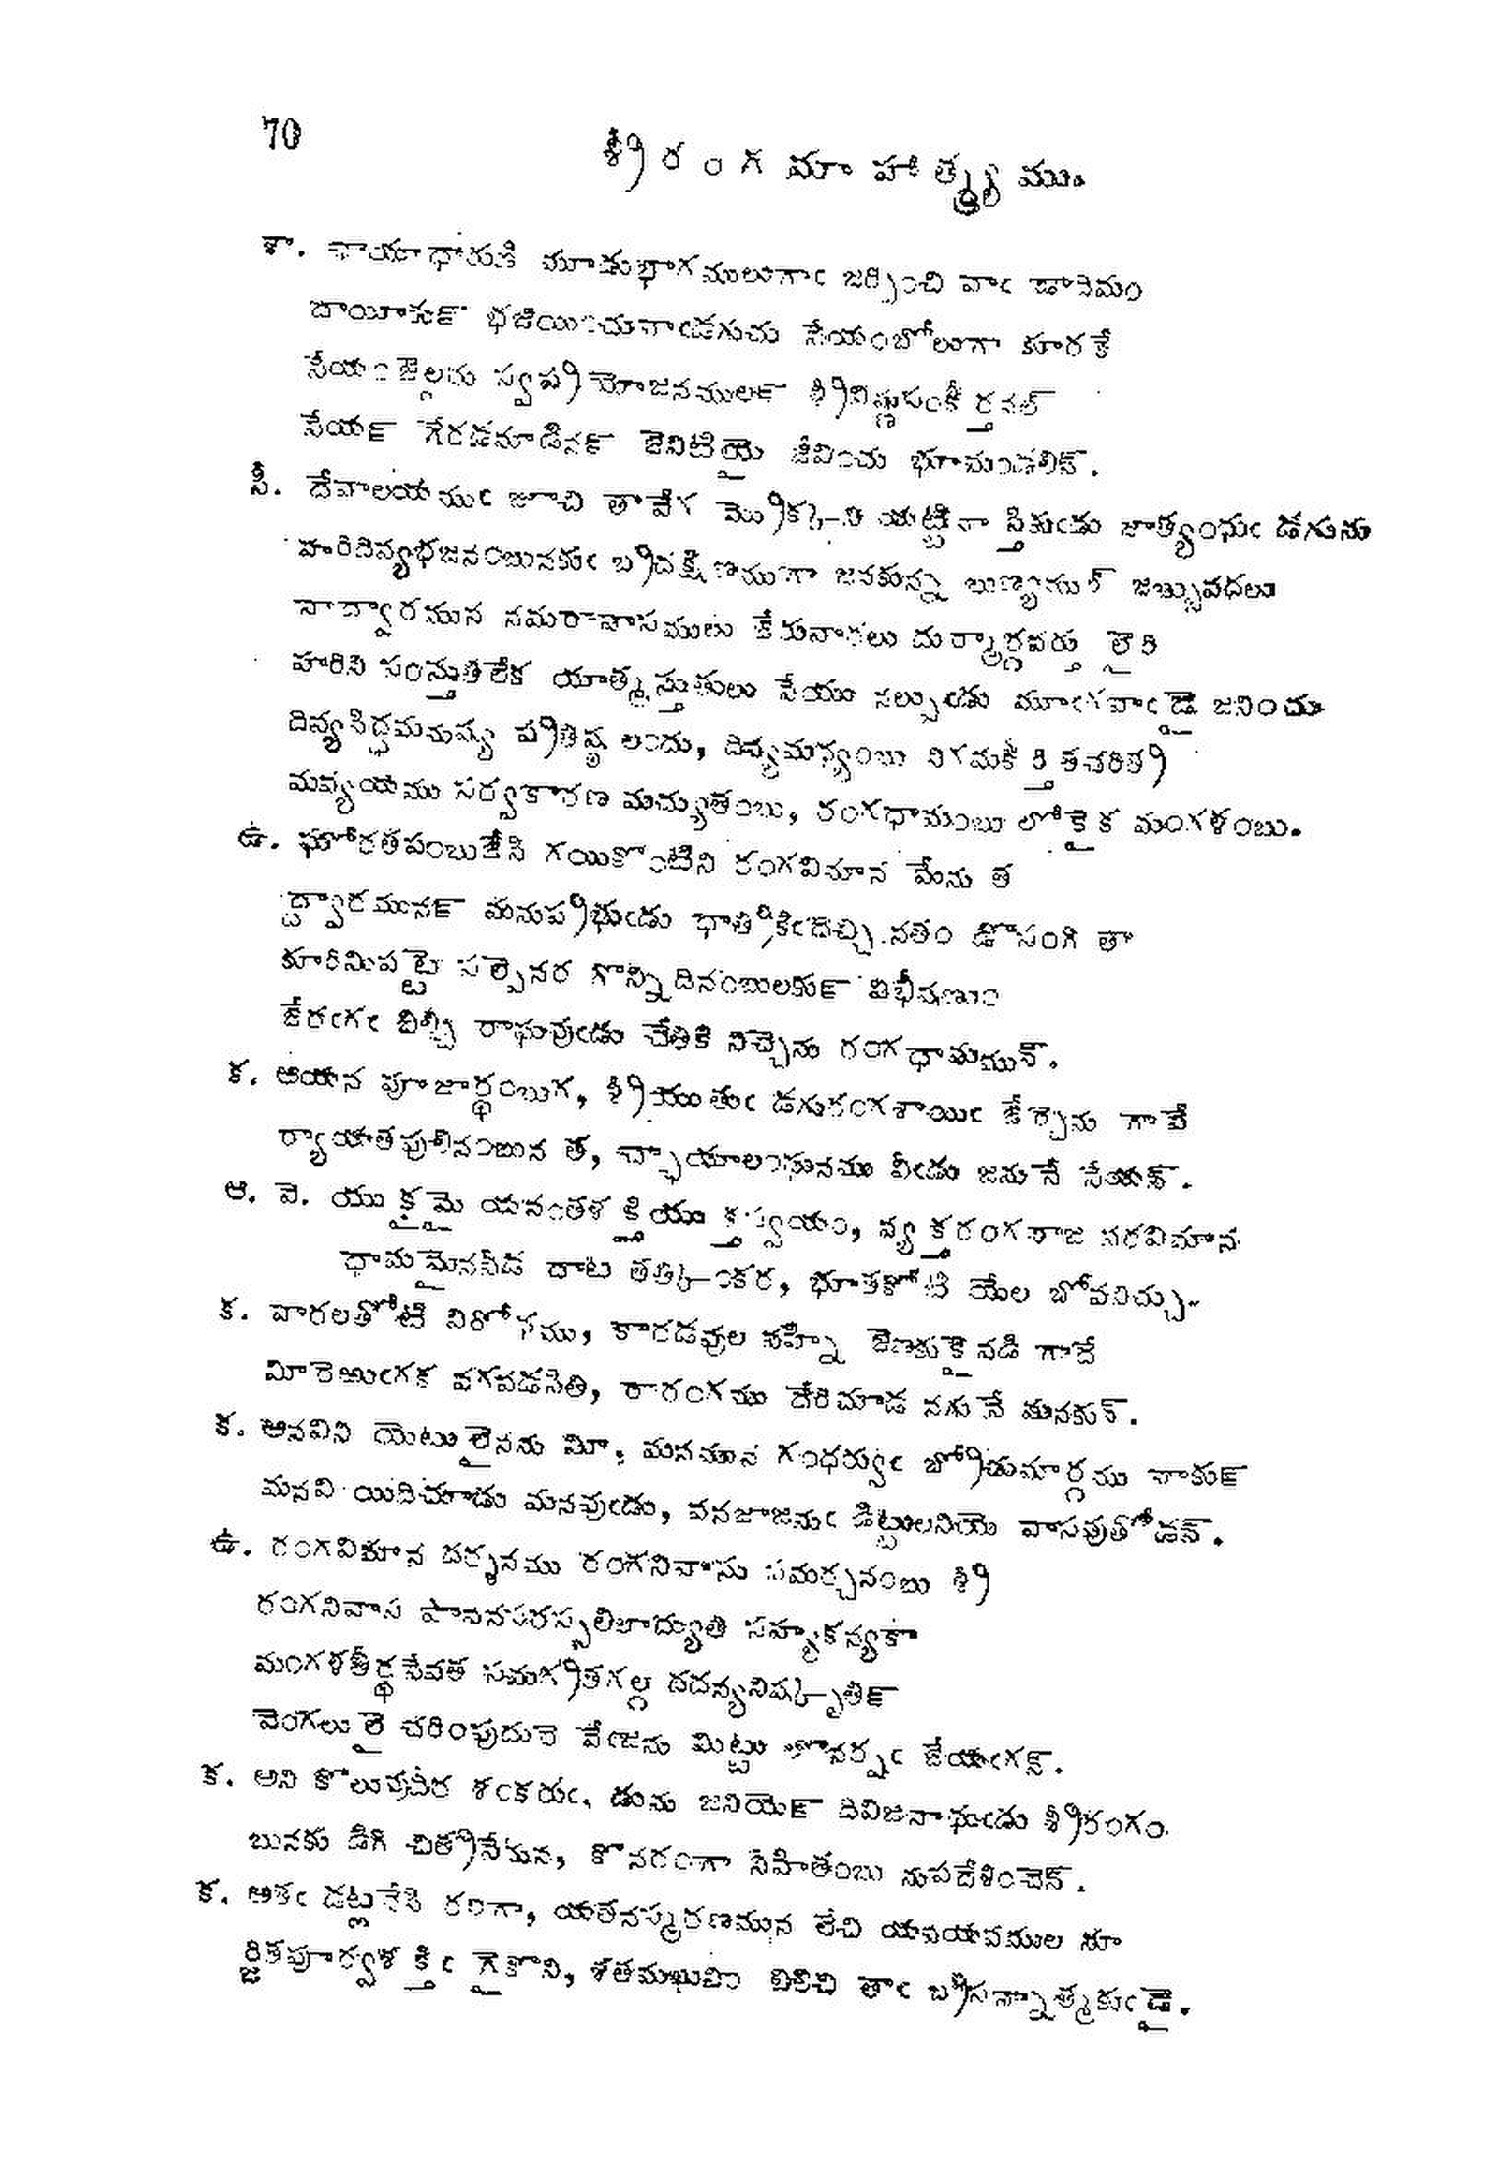శా. ఛాయాధారుణి మూడుభాగములుగాఁ జర్పించి వాఁ డాదిమం
 దాయీశున్ భజియించువాఁడగుచు సేయంబోలుగా కూరకే
 సేయంజెల్లను స్వప్రయోజనములు శ్రీ విష్ణుసంకీర్తనల్
 సేయన్ గేరడమాడినన్ జెవిటియై జీవించు భూమండలిన్.
సీ. దేవాలయముఁ జూచి తావేగ మ్రొకని యట్టినాస్తికుఁడు జాత్యంధుఁ డగును
 హరిదివ్యభజనంబునకుఁ బ్రదక్షిణముగా జనకున్న బుణ్యములే జబ్బువదలు
 నాద్వారమున నమరావాసములు జేరువారలు దుర్మార్గవర్తు లైరి
 హరిని సంస్తుతి లేక యాత్మస్తుతుశులు సేయు నల్పుండు మూగవాఁడై జనించు
 దివ్యసిద్ధమనుష్యప్రతిష్ట లందు, దివ్యమధ్యంబు నిగమకీర్తితచరిత్ర
 మవ్యయము సర్వకారణ మచ్యుతంబు, రంగధామంబు లోకైకమంగళంబు.
ఉ. ఘోరతపంబుకేసి గయికొంటిని రంగవిమాన మేను త
 ద్ద్వారమునన్ మనుప్రభుఁడు ధాత్రికిఁ దెచ్చి నతం డొసంగి తా
 కూరిమిపట్టె సల్పెనర గొన్నిదినంబులకున్ విభీషణుం
 జేరఁగఁ బిల్చి రాఘవుఁడు చేతికి నిచ్చెను రంగధామమున్.
క. ఆయన పూజార్థంబుగ, శ్రీయుతుఁ డగురంగశాయిఁ జేర్చెను గావే
 ర్యాయతపులినంబున త, చ్ఛాయాలంఘనము వీఁడు జనునే సేయన్.
ఆ. యుక్తమై యనంతశక్తియుక్త స్వయం, వ్యక్తరంగరాజు వరవిమాన
 ధామమైననీడ దాట తత్కింకర, భూతకోటి యేల బోవనిచ్చు.
క. వారలతోటి విరోధము, కారడవుల వహ్ని జెణకుకైవడి గాదే
 మీరెఱుఁగక వగవడసితి, రారంగము దేరిచూడ నగునే మనకున్.
క. అనవిని యెటులైనను మీ, మనమున గంధర్వుఁ బ్రోచుమార్గము నాకున్
 మనవి యిదిచూడు మనవుఁడు, వనజాజనుఁ డిట్టులనియె వాసవుతోడన్.
ఉ. రంగవిమానదర్శనము రంగనివాసు సమర్చనంబు శ్రీ
 రంగనివాస పావనసరస్సలిలాద్యుతి సహ్యకన్యకా
 మంగళతీర్థసేవత సమగ్రత గల్గ దదన్యనిష్కృతిన్
 వెంగలులై చరింపుదురె వేఁజను మిట్టు లొనర్పఁ జేయఁగన్.
క. అని కొలువుదీర శంకరుఁ, డును జనియె దివిజనాథుఁడు శ్రీరంగం
 బునకు డిగి చిత్రసేనున, కొనరంగా నీహితంబు నుపదేశించెన్.
క. అతఁ డట్లచేసి రంగా, యతనస్మరణమున లేచి యవయవముల నూ
 ర్జితపూర్వశక్తిఁ గైకొని, శతమఖునిం బిలిచి తాఁ బ్రసన్నాత్మకుఁడై.